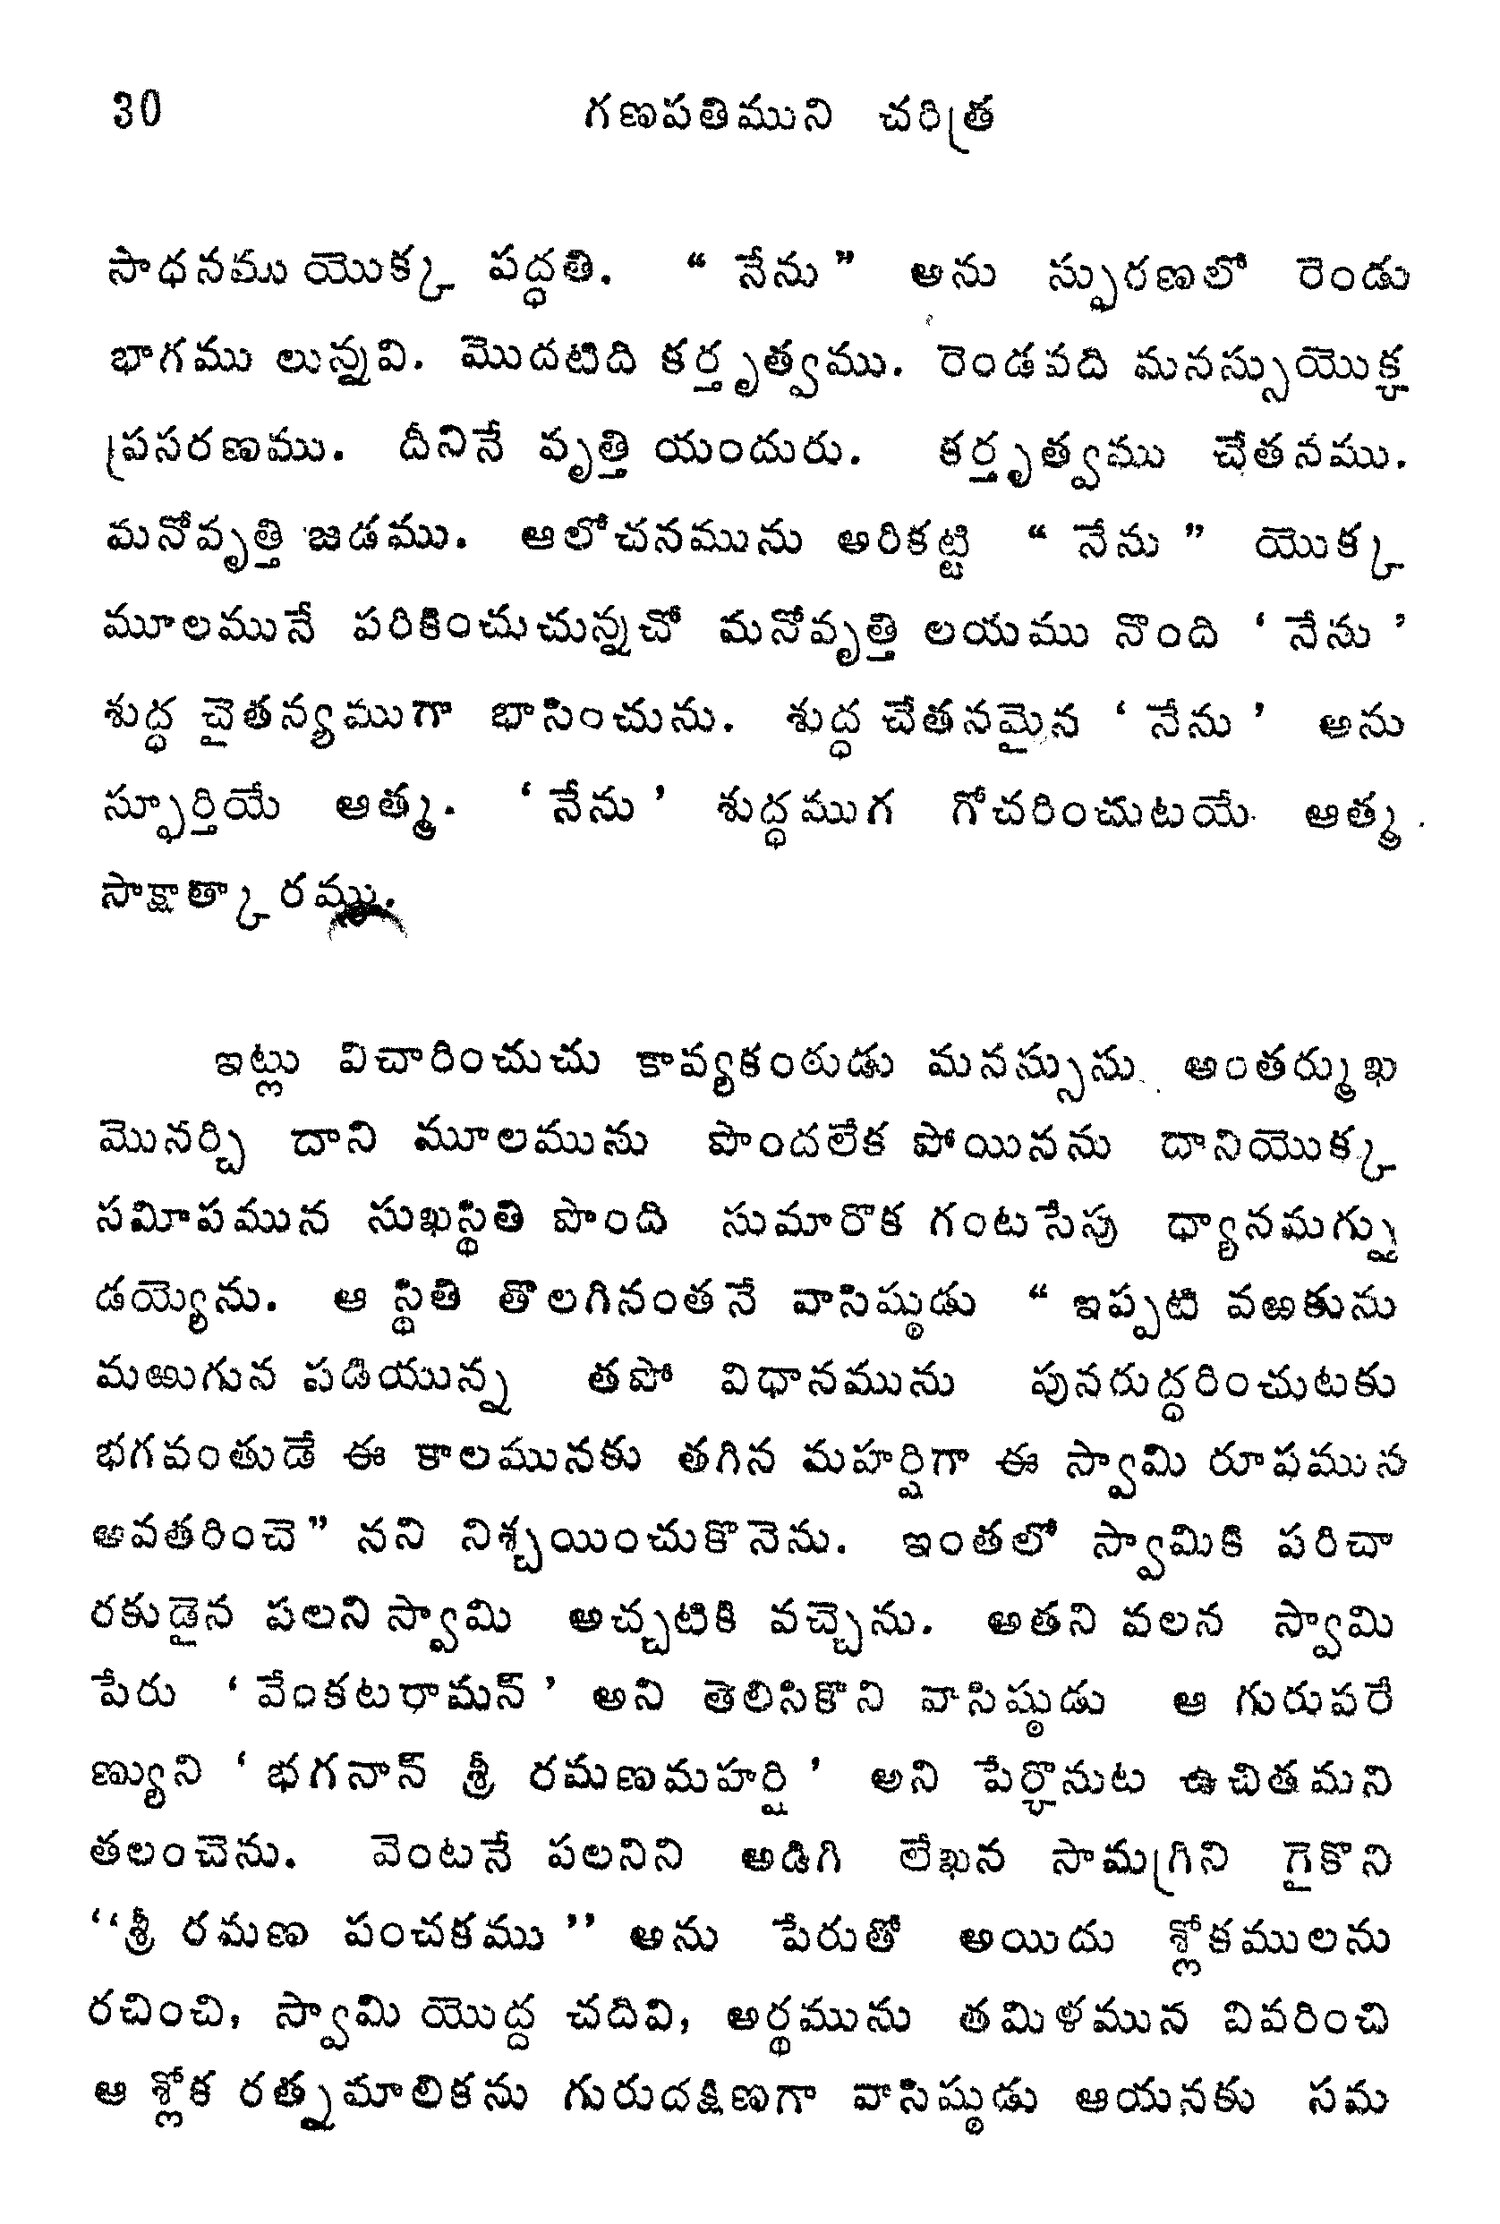సాధనము యొక్క పద్ధతి. "నేను" అను స్ఫురణలో రెండు భాగము లున్నవి. మొదటిది కర్తృత్వము. రెండవది మనస్సుయొక్క ప్రసరణము. దీనినే వృత్తి యందురు. కర్తృత్వము చేతనము. మనోవృత్తి జడము. ఆలోచనమును అరికట్టి "నేను" యొక్క మూలమునే పరికించుచున్నచో మనోవృత్తి లయము నొంది 'నేను' శుద్ధ చైతన్యముగా భాసించును. శుద్ధ చేతనమైన 'నేను' అను స్ఫూర్తియే ఆత్మ. 'నేను' శుద్ధముగ గోచరించుటయే ఆత్మ సాక్షాత్కారము.

ఇట్లు విచారించుచు కావ్యకంఠుడు మనస్సును అంతర్ముఖ మొనర్చి దాని మూలమును పొందలేక పోయినను దానియొక్క సమీపమున సుఖస్థితి పొంది సుమారొక గంటసేపు ధ్యానమగ్ను డయ్యెను. ఆ స్థితి తొలగినంతనే వాసిష్ఠుడు "ఇప్పటి వఱకును మఱుగున పడియున్న తపో విధానమును పునరుద్ధరించుటకు భగవంతుడే ఈ కాలమునకు తగిన మహర్షిగా ఈ స్వామి రూపమున అవతరించె" నని నిశ్చయించుకొనెను. ఇంతలో స్వామికి పరిచారకుడైన పలని స్వామి అచ్చటికి వచ్చెను. అతని వలన స్వామి పేరు 'వేంకటరామన్‌' అని తెలిసికొని వాసిష్ఠుడు ఆ గురువరేణ్యుని 'భగవాన్ శ్రీ రమణమహర్షి' అని పేర్కొనుట ఉచితమని తలంచెను. వెంటనే పలనిని అడిగి లేఖన సామగ్రిని గైకొని "శ్రీ రమణ పంచకము" అను పేరుతో అయిదు శ్లోకములను రచించి, స్వామి యొద్ద చదివి, అర్థమును తమిళమున వివరించి ఆ శ్లోక రత్నమాలికను గురుదక్షిణముగా వాసిష్ఠుడు ఆయనకు సమ